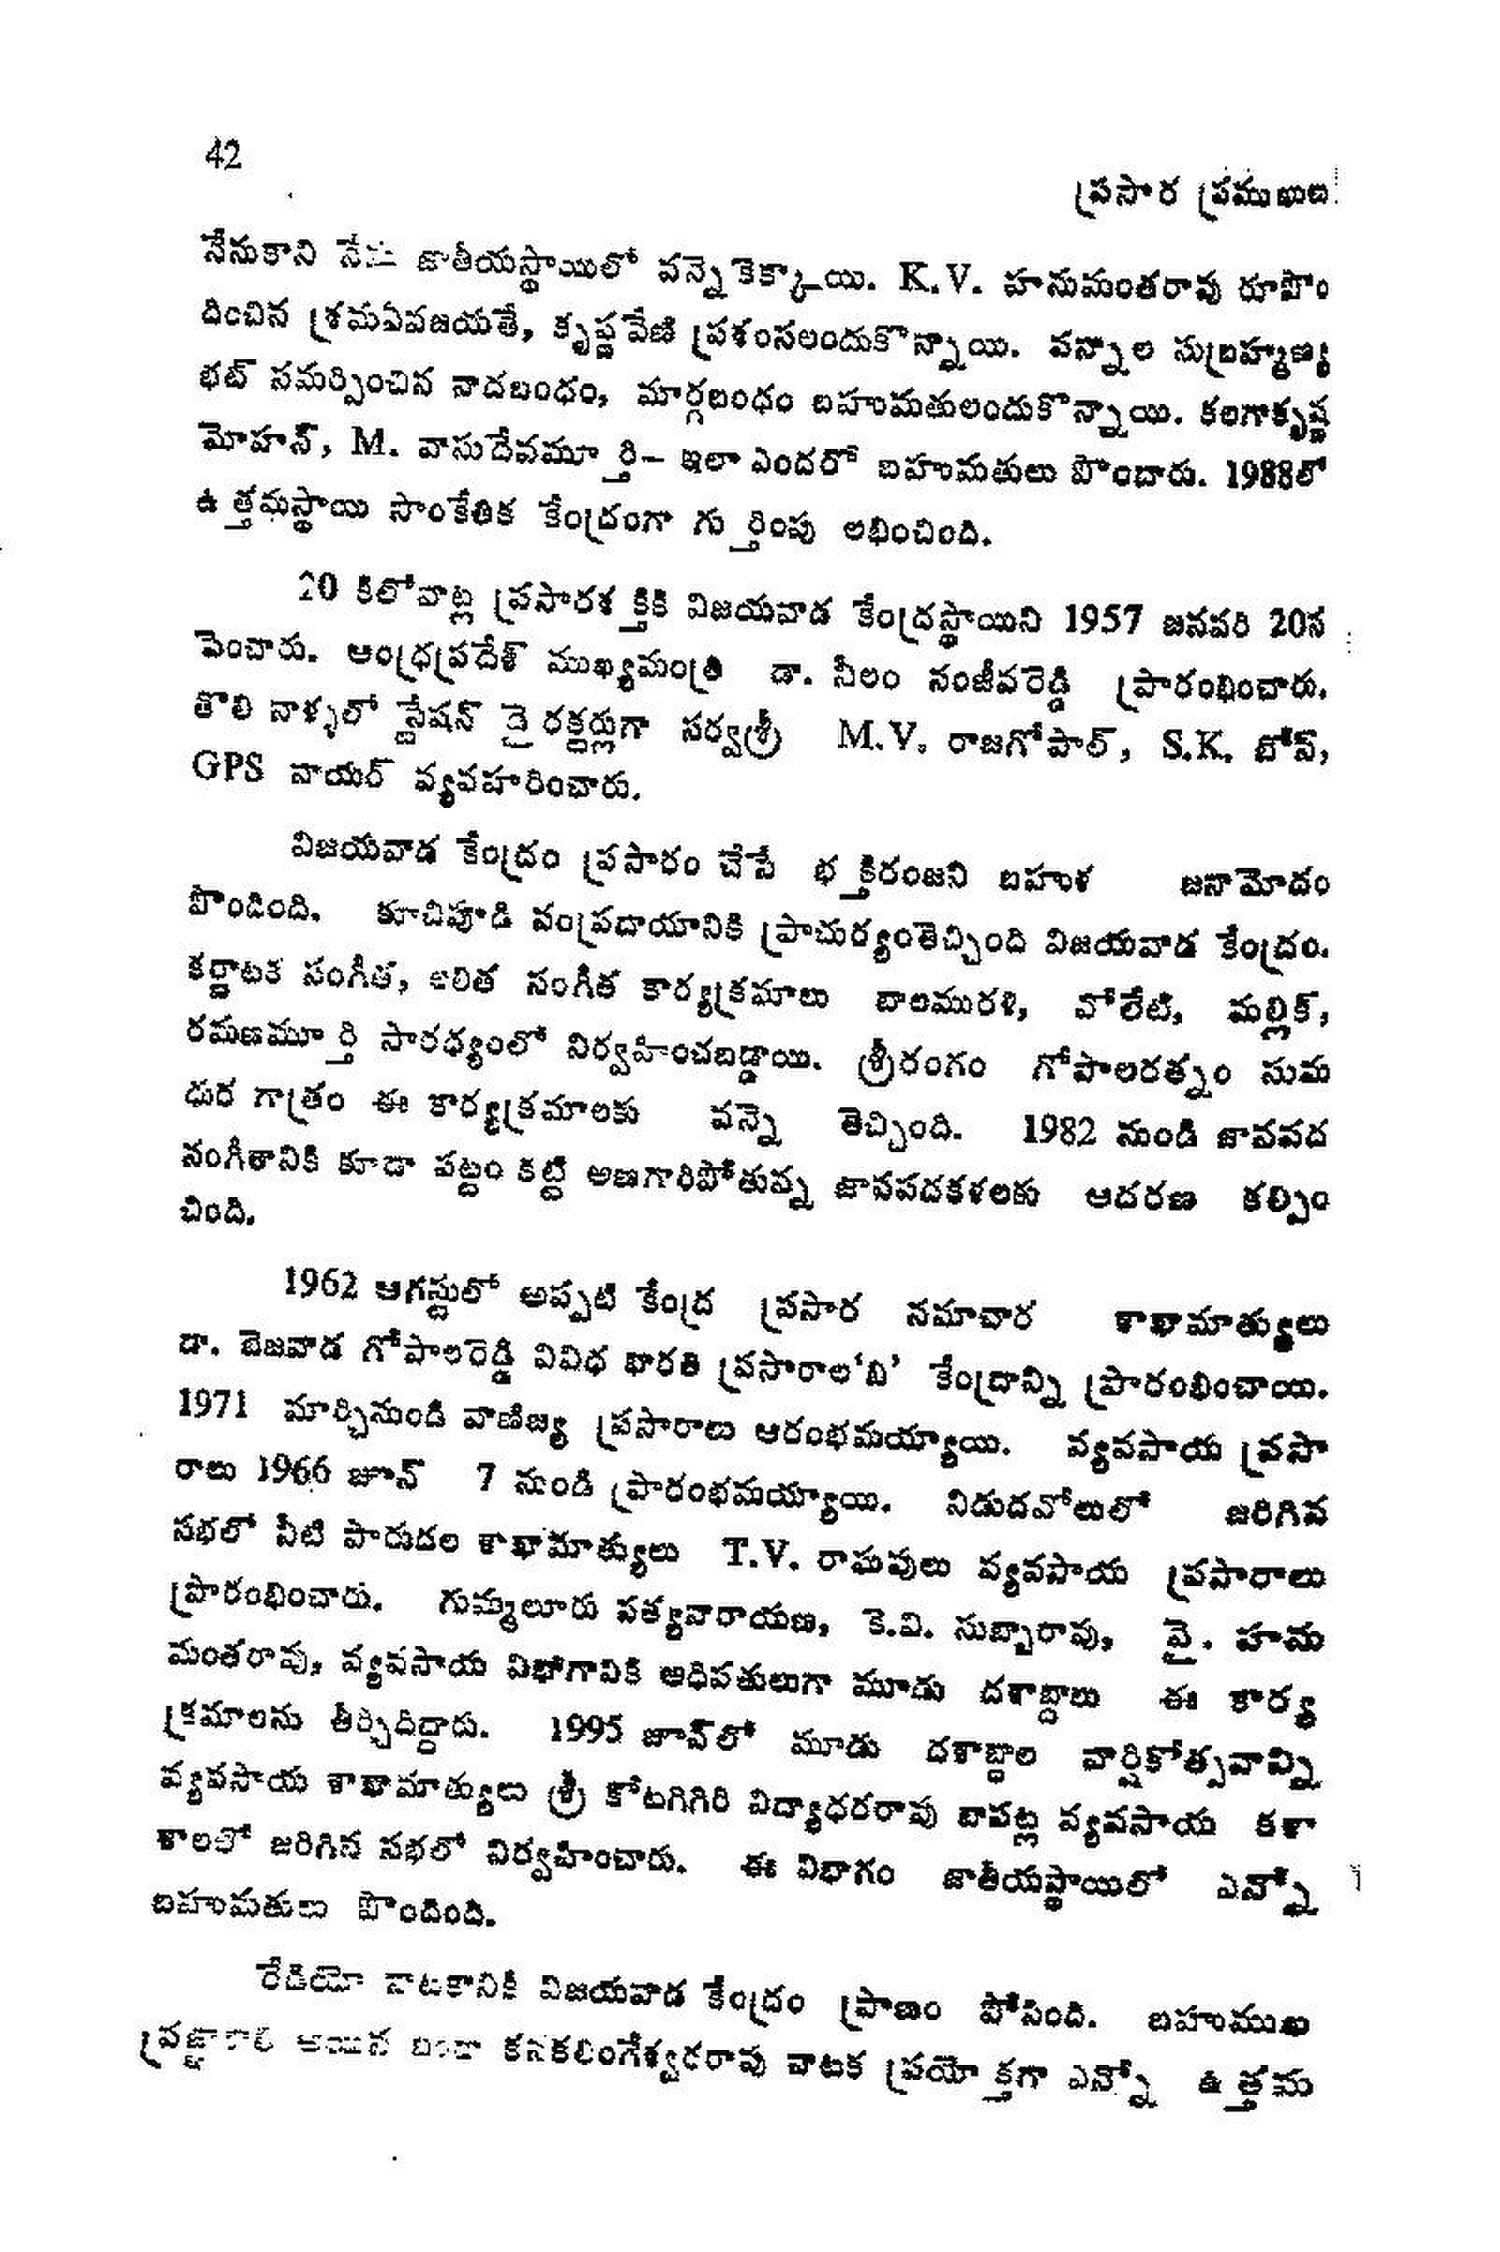నేనుకాని నేను జాతీయస్థాయిలో వన్నెకెక్కాయి. K. V. హనుమంతరావు రూపొందించిన శ్రమఏవజయతే, కృష్ణవేణి ప్రశంసలందుకొన్నాయి. పన్నాల సుబ్రహ్మణ్య భట్ సమర్పించిన నాదబంధం, మార్గబంధం బహుమతులందుకొన్నాయి. కలగా కృష్ణమోహన్, M. వాసుదేవమూర్తి - ఇలా ఎందరో బహుమతులు పొందారు. 1988లో ఉత్తమస్థాయి సాంకేతిక కేంద్రంగా గుర్తింపు లభించింది.

20 కిలోవాట్ల ప్రసారశక్తికి విజయవాడ కేంద్రస్థాయిని 1957 జనవరి 20న పెంచారు. ఆంధ్రప్రదేశ్ ముఖ్యమంత్రి డా. నీలం సంజీవరెడ్డి ప్రారంభించారు. తొలినాళ్ళలో స్టేషన్ డైరక్టర్లుగా సర్వశ్రీ M. V. రాజగోపాల్, S. K. బోస్, G. P. S. నాయర్ వ్యవహరించారు.

విజయవాడ కేంద్రం ప్రసారం చేసే భక్తిరంజని బహుళ జనామోదం పొందింది. కూచిపూడి సాంప్రదాయానికి ప్రాచుర్యం తెచ్చింది విజయవాడ కేంద్రం. కర్ణాటక సంగీత, లలిత సంగీత కార్యక్రమాలు బాలమురళి, వోలేటి, మల్లిక్, రమణమూర్తి సారధ్యంలో నిర్వహించబడ్డాయి. శ్రీరంగం గోపాలరత్నం సుమధుర గాత్రం ఈ కార్యక్రమాలకు వన్నె తెచ్చింది. 1982 నుండి జానపద సంగీతానికి కూడా పట్టం కట్టి అణగారిపోతున్న జానపదకళలకు ఆదరణ కల్పించింది.

1962 ఆగష్టులో అప్పటి కేంద్ర ప్రసార సమాచార శాఖామాత్యులు డా. బెజవాడ గోపాలరెడ్డి వివిధ భారతి ప్రసారాల ' బి ' కేంద్రాన్ని ప్రారంభించాయి. 1971 మార్చి నుండి వాణిజ్య ప్రసారాలు ఆరంభమయ్యాయి. వ్యవసాయ ప్రసారాలు 1966 జూన్ 7 నుండి ప్రారంభమయ్యాయి. నిడుదవోలులో జరిగిన సభలో నీటి పారుదల శాఖామాత్యులు T. V. రాఘవులు వ్యవసాయ ప్రసారాలు ప్రారంభించారు. గుమ్మలూరు సత్యనారాయణ, కె. వి. సుబ్బారావు, వై. హనుమంతరావు, వ్యవసాయ విభాగానికి అధిపతులుగా మూడు దశాబ్దాలు ఈ కార్యక్రమాలను తీర్చిదిద్దారు. 1995 జూన్ లో మూడు దశాబ్దాల వార్షికోత్సవాన్ని వ్యవసాయ శాఖామత్యులు శ్రీ కోటగిరి విద్యాధరరావు బాపట్ల వ్యవసాయ కళాశాలలో జరిగిన సభలో నిర్వహించారు. ఈ విభాగం జాతీయస్థాయిలో ఎన్నో బహుమతులు పొందింది. 

రేడియో నాటకానికి విజయవాడ కేంద్రం ప్రాణం పోసింది. బహుముఖ ప్రజ్ఞాశాలి అయిన బందా కనకలింగేశ్వరరావు నాటక ప్రయోక్తగా ఎన్నో ఉత్తమ